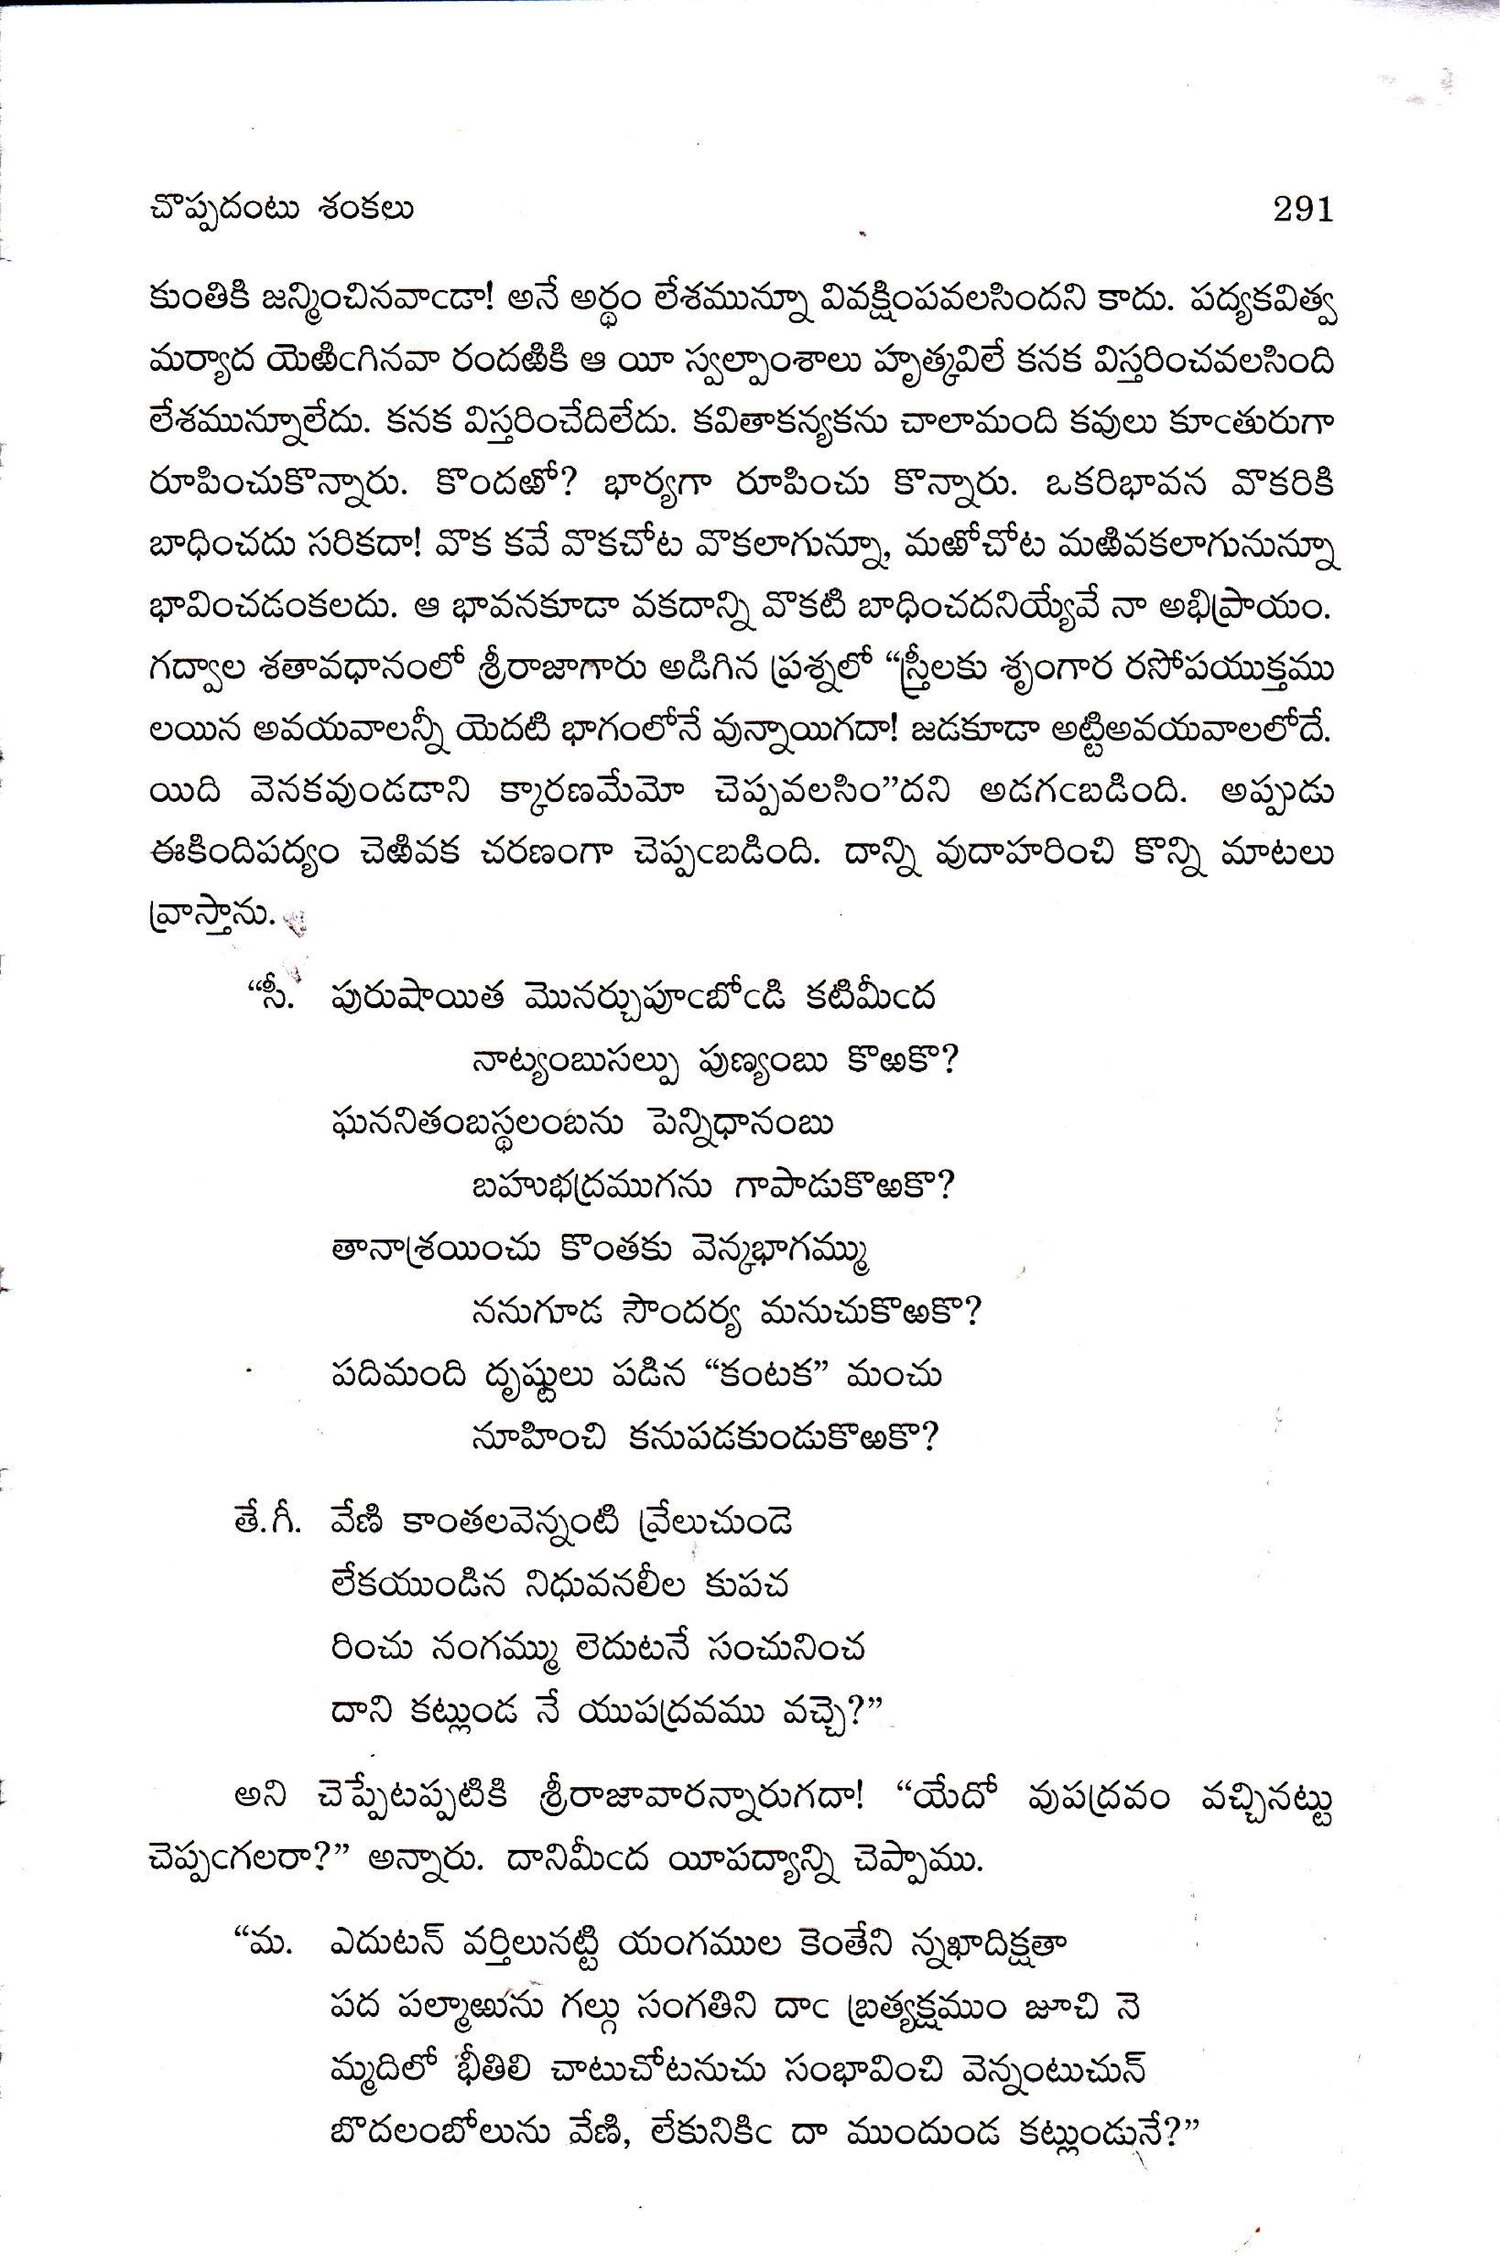కుంతికి జన్మించినవాఁడా! అనే అర్థం లేశమున్నూ వివక్షింపవలసిందని కాదు. పద్యకవిత్వ మర్యాద యెఱిఁగినవా రందఱికి ఆ యీ స్వల్పాంశాలు హృత్కవిలే కనక విస్తరించవలసింది లేశమున్నూలేదు. కనక విస్తరించేదిలేదు. కవితాకన్యకను చాలామంది కవులు కూఁతురుగా రూపించుకొన్నారు. కొందఱో? భార్యగా రూపించు కొన్నారు. ఒకరిభావన వొకరికి బాధించదు సరికదా! వొక కవే వొకచోట వొకలాగున్నూ మఱోచోట మఱివకలాగునున్నూ భావించడంకలదు. ఆ భావనకూడా వకదాన్ని నొకటి బాధించదనియ్యేవే నా అభిప్రాయం. గద్వాల శతావధానంలో శ్రీరాజాగారు అడిగిన ప్రశ్నలో "స్త్రీలకు శృంగార రసోపయుక్తము లయిన అవయవాలన్నీ యెదటి భాగంలోనే వున్నాయిగదా! జడకూడా అట్టిఅవయవాలలోదే. యిది వెనకవుండడాని క్కారణమేమో చెప్పవలసిం"దని అడగఁబడింది. అప్పుడు ఈకిందిపద్యం చెఱివక చరణంగా చెప్పఁబడింది. దాన్ని వుదాహరించి కొన్ని మాటలు వ్రాస్తాను.

"సీ. పురుషాయిత మొనర్చుపూఁబోఁడి కటిమీఁద
 నాట్యంబుసల్పు పుణ్యంబు కొఱకొ?
 ఘననితంబస్థలంబను పెన్నిధానంబు
 బహుభద్రముగను గాపాడుకొఱకొ?
 తానాశ్రయించు కొంతకు వెన్కభాగమ్ము
 ననుగూడ సౌందర్య మనుచుకొఱకొ?
 పదిమంది దృష్టులు పడిన “కంటక" మంచు 
 నూహించి కనుపడకుండుకొఱకొ?

తే.గీ. వేణి కాంతలవెన్నంటి వ్రేలుచుండె 
 లేకయుండిన నిధువనలీల కుపచ 
 రించు నంగమ్ము లెదుటనే సంచునించ 
 దాని కట్లుండ నే యుపద్రవము వచ్చె?”
అని చెప్పేటప్పటికి శ్రీరాజావారన్నారుగదా! “యేదో వుపద్రవం వచ్చినట్టు చెప్పఁగలరా?" అన్నారు. దానిమీఁద యీపద్యాన్ని చెప్పాము.

“మ. ఎదుటన్ వర్తిలునట్టి యంగముల కెంతేని న్నఖాదిక్షతా
 పద పల్మాఱును గల్గు సంగతిని దాఁ బ్రత్యక్షముం జూచి నె 
 మ్మదిలో భీతిలి చాటుచోటనుచు సంభావించి వెన్నంటుచున్ 
 బొదలంబోలును వేణి, లేకునికిఁ దా ముందుండ కట్లుండునే?"